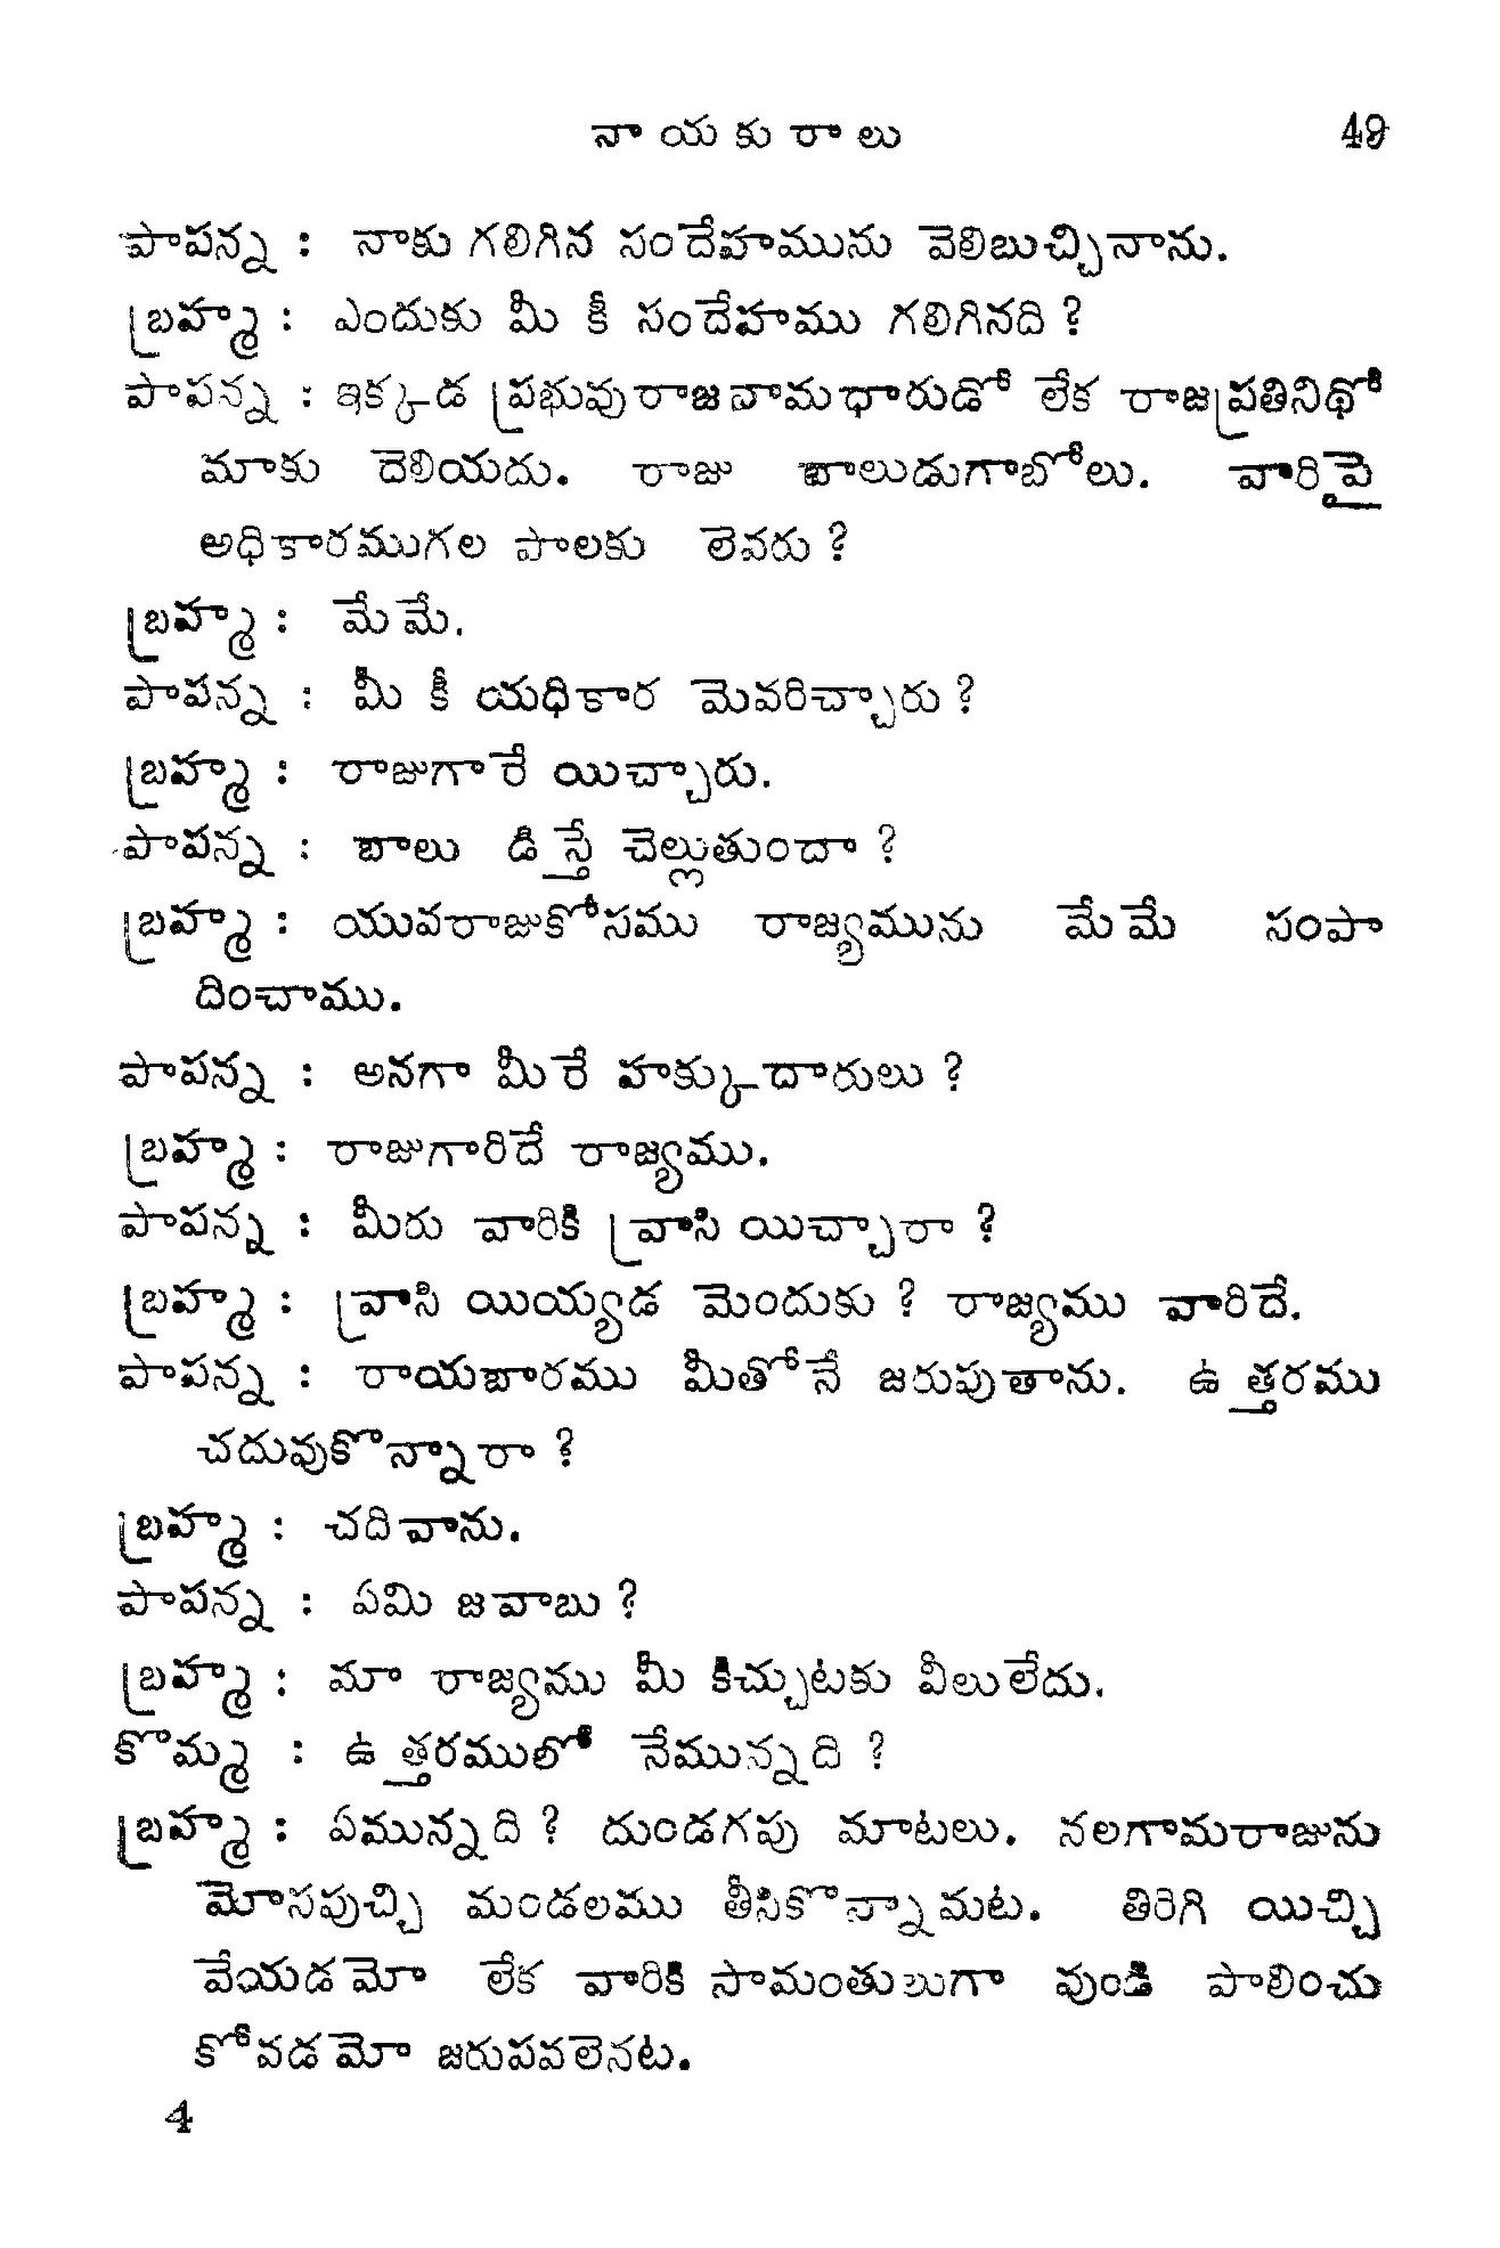పాపన్న : నాకు గలిగిన సందేహమును వెలిబుచ్చినాను.

బ్రహ్మ: ఎందుకు మీ కీ సందేహము గలిగినది ?

పాపన్న : ఇక్కడ ప్రభువు రాజనామధారుడో లేక రాజప్రతినిథో మాకు దెలియదు. రాజు బాలుడుగాబోలు. వారిపై అధికారముగల పాలకు లెవరు?

బ్రహ్మ: మేమే.

పాపన్న : మీ కీ యధికార మెవరిచ్చారు ?

బ్రహ్మ : రాజుగారే యిచ్చారు.

పాపన్న : బాలు డిస్తే చెల్లుతుందా ?

బ్రహ్మ : యువరాజుకోసము రాజ్యమును మేమే సంపాదించాము.

పాపన్న : అనగా మీరే హక్కుదారులు ?

బ్రహ్మ : రాజుగారిదే రాజ్యము.

పాపన్న : మీరు వారికి వ్రాసి యిచ్చారా ?

బ్రహ్మ : వ్రాసి యియ్యడ మెందుకు ? రాజ్యము వారిదే.

పాపన్న : రాయబారము మీతోనే జరుపుతాను. ఉత్తరము చదువుకొన్నారా?

బ్రహ్మ : చదివాను.

పాపన్న : ఏమి జవాబు ?

బ్రహ్మ : మా రాజ్యము మీ కిచ్చుటకు వీలులేదు.

కొమ్మ : ఉత్తరములో నేమున్నది ?
బ్రహ్మ : ఏమున్నది ? దుండగపు మాటలు. నలగామరాజును మోసపుచ్చి మండలము తీసికొన్నామట.
తిరిగి యిచ్చివేయడమో లేక వారికి సామంతులుగా వుండి పొలించు కోవడమో జరుపవలెనట.